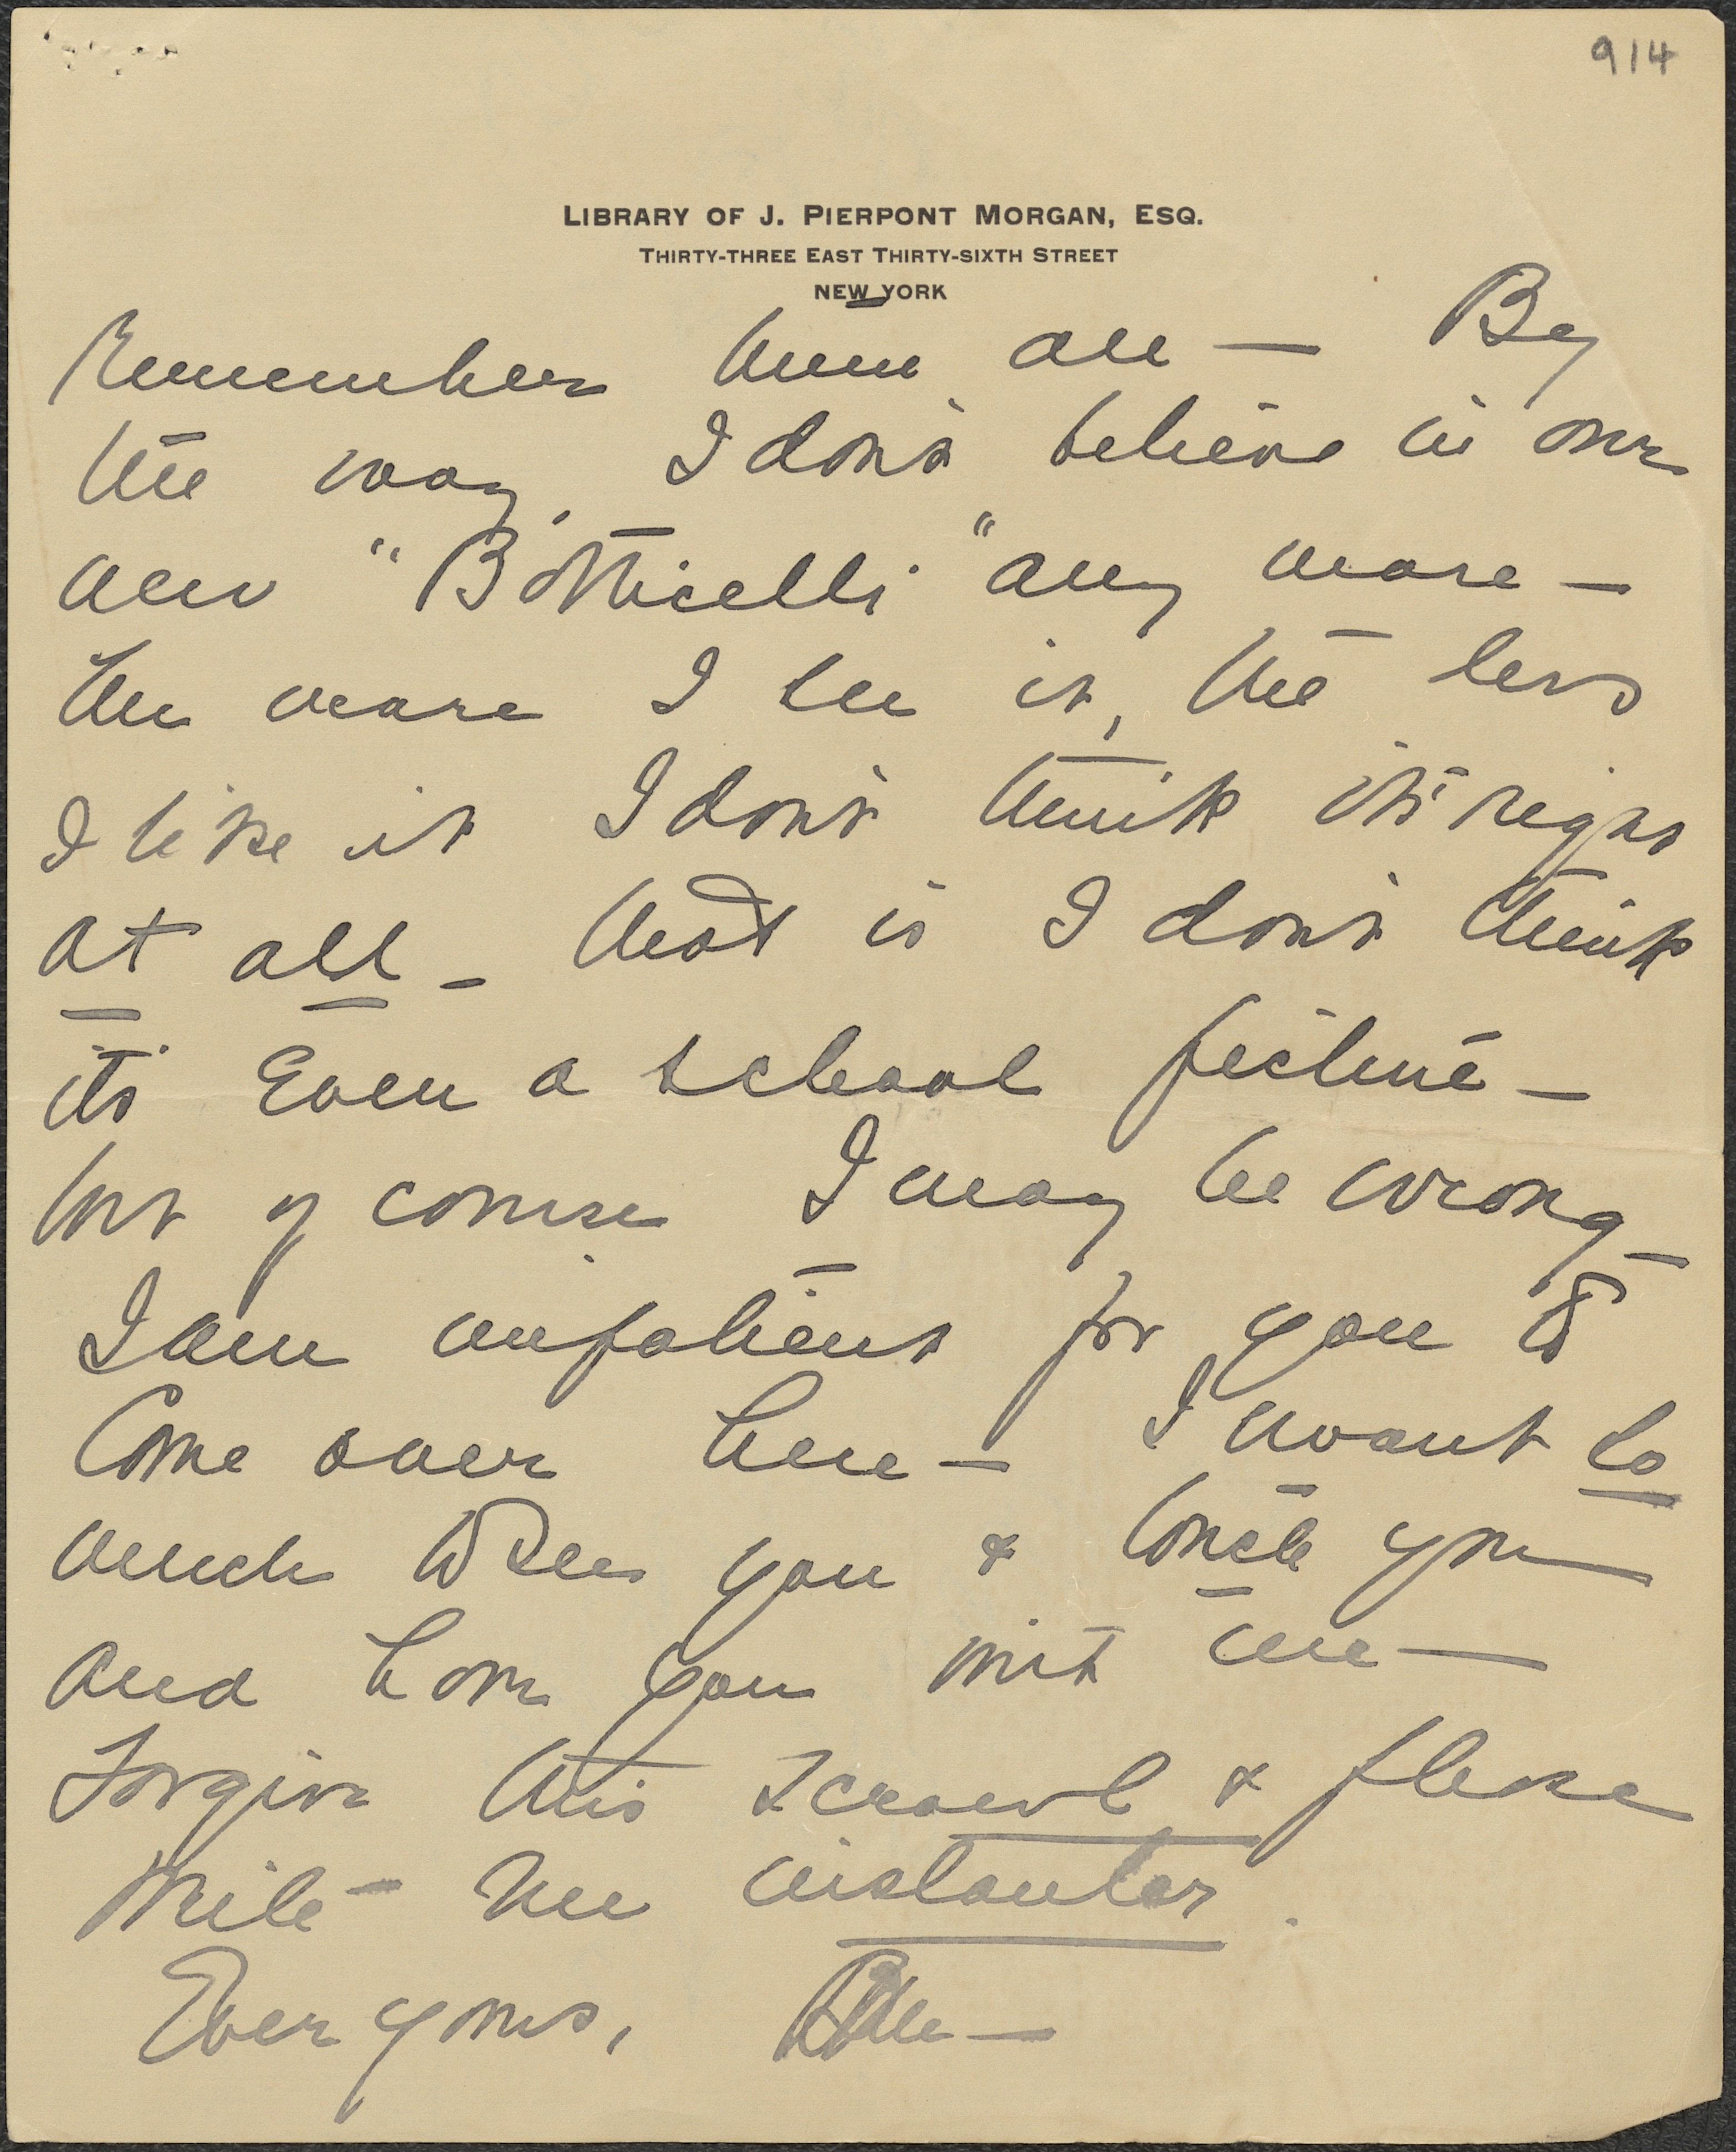remember them all – By the way, I don’t believe in our new “Botticelli” anymore – the more I see it, the less I like it I don’t think it’s right at all – that is I don’t think it’s even a school picture – but of course I may be wrong – I am impatient for you to come over here – I want so much to see you & touch you and have you with me – Forgive this scrawl & please write me instanter.
Ever yours, Belle –